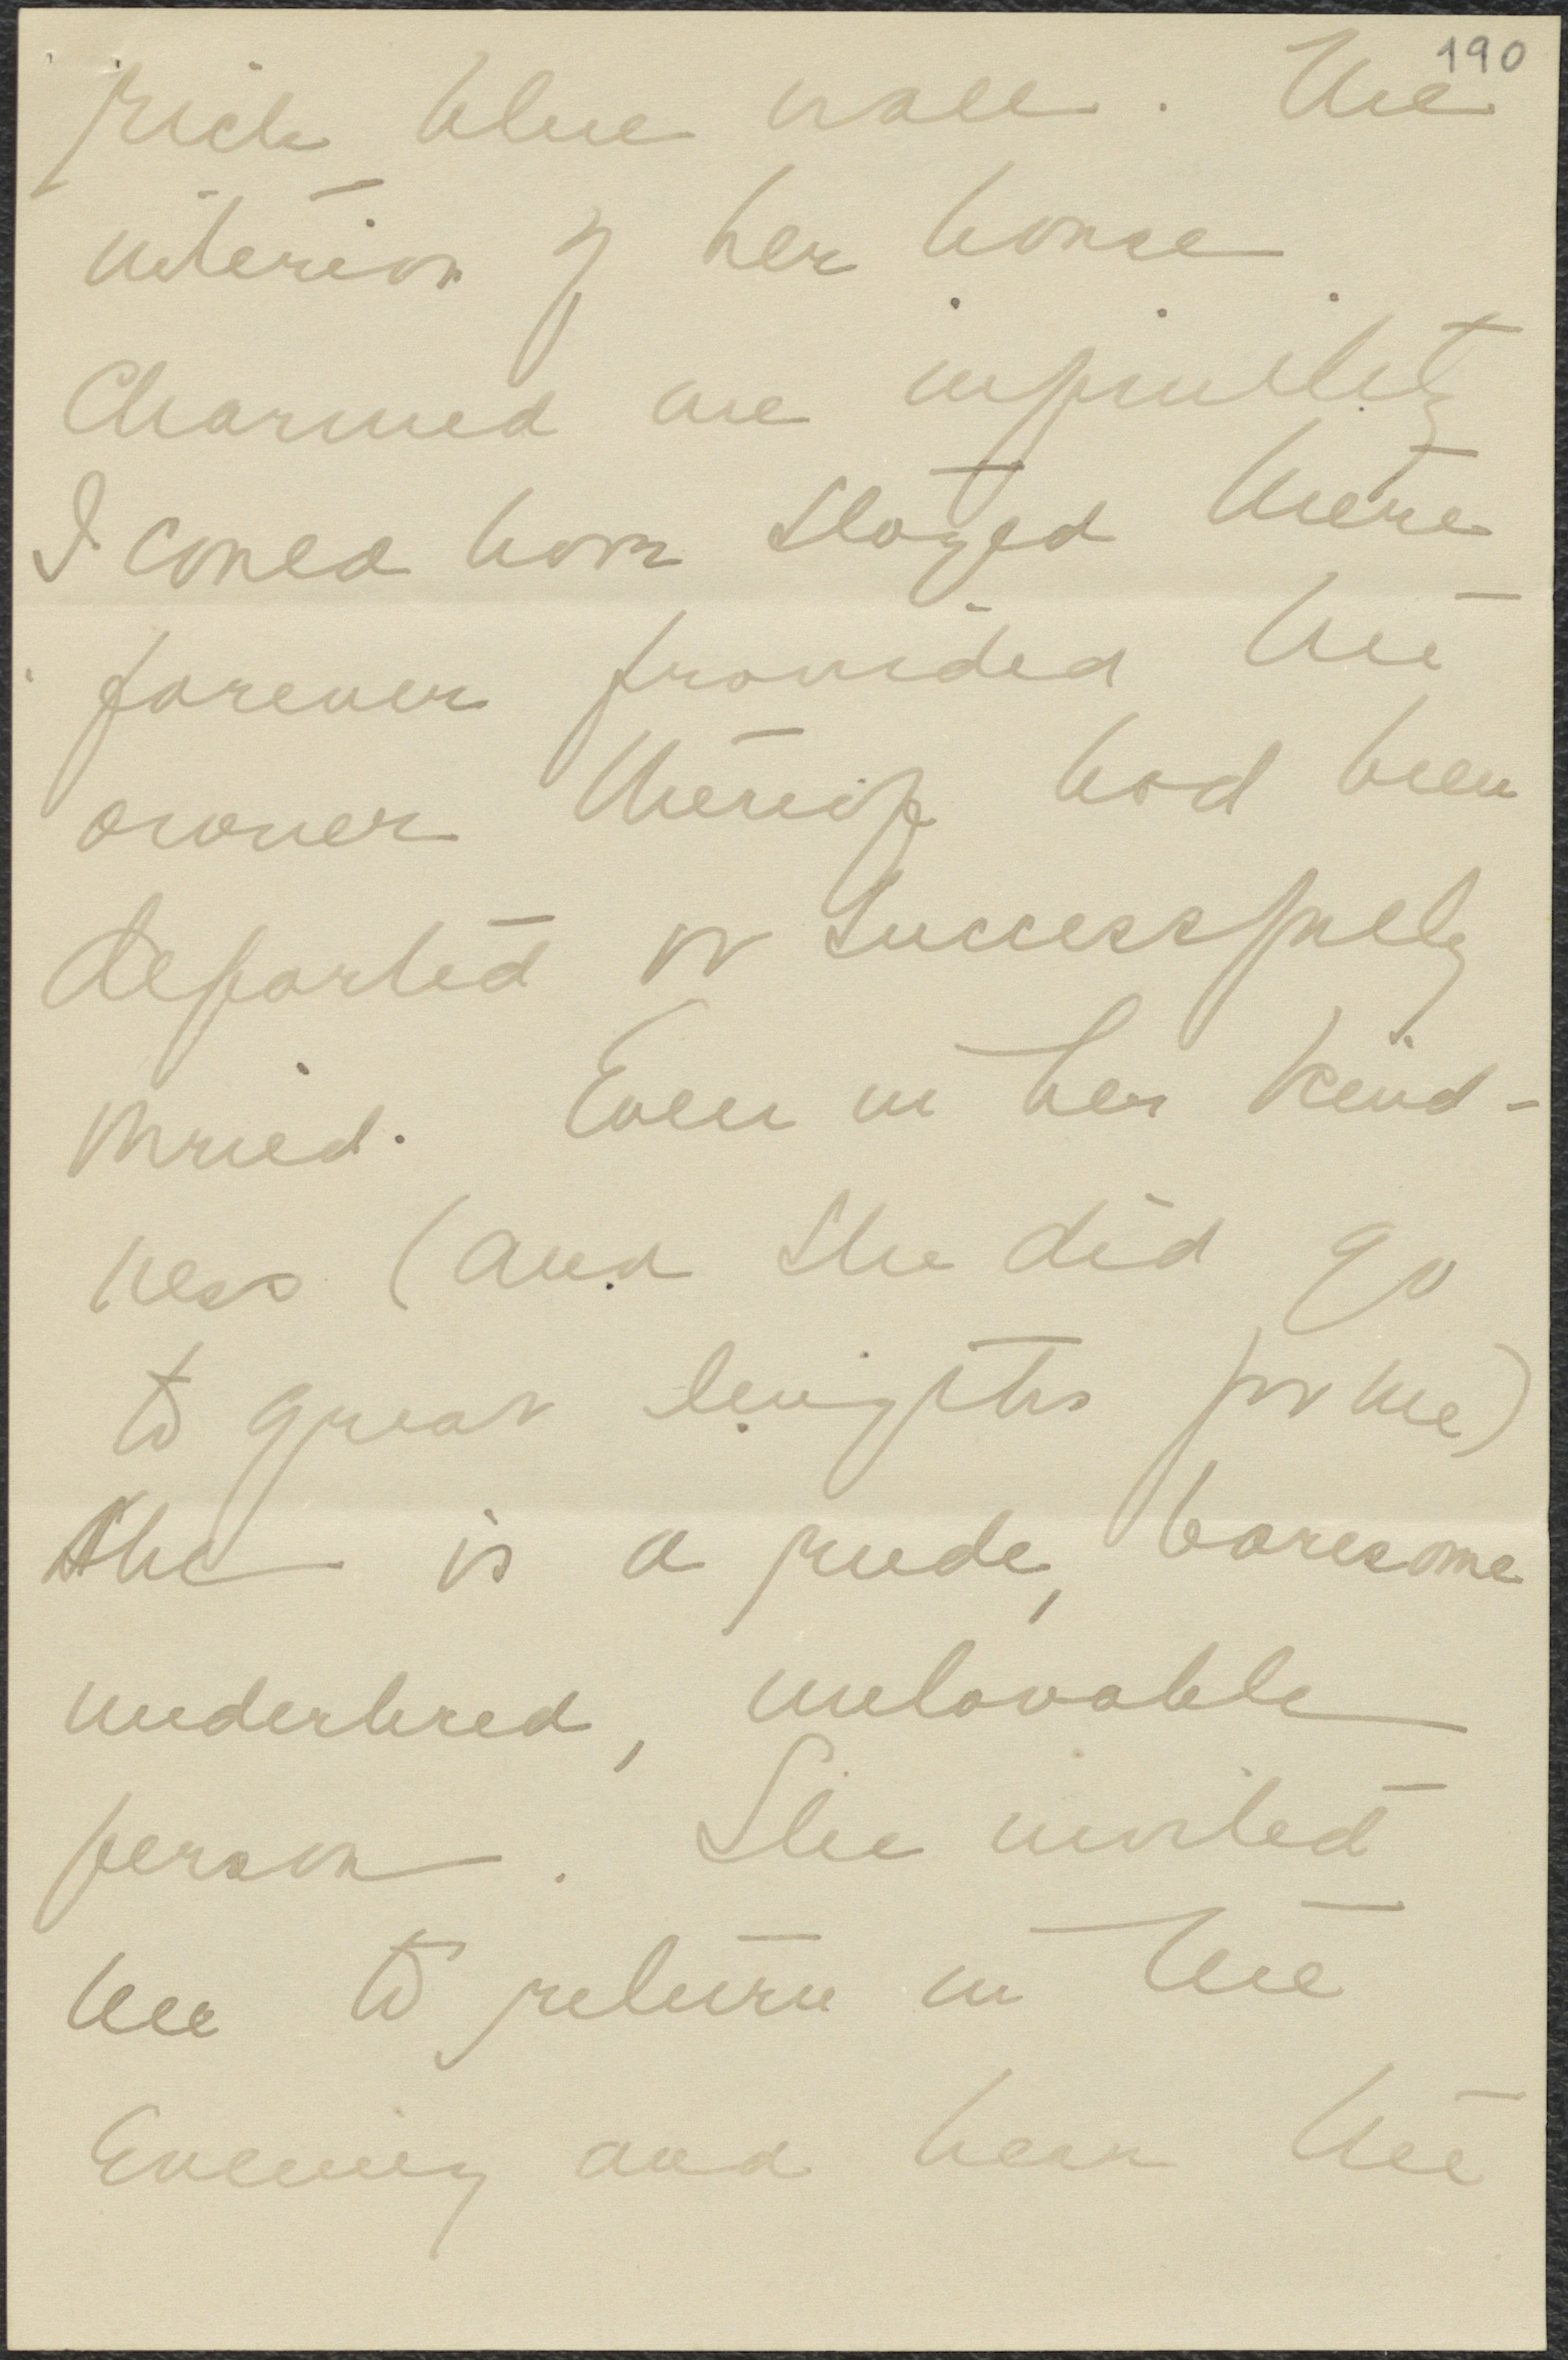rich blue wall. The interior of her house charmed me infinitely
I could have stayed there forever provided the owner thereof had been departed or successfully buried. Even in her kindness (and she did go to great lengths for me) she is a rude, boresome underbred, unlovable person. She invited me to return in the evening and hear the